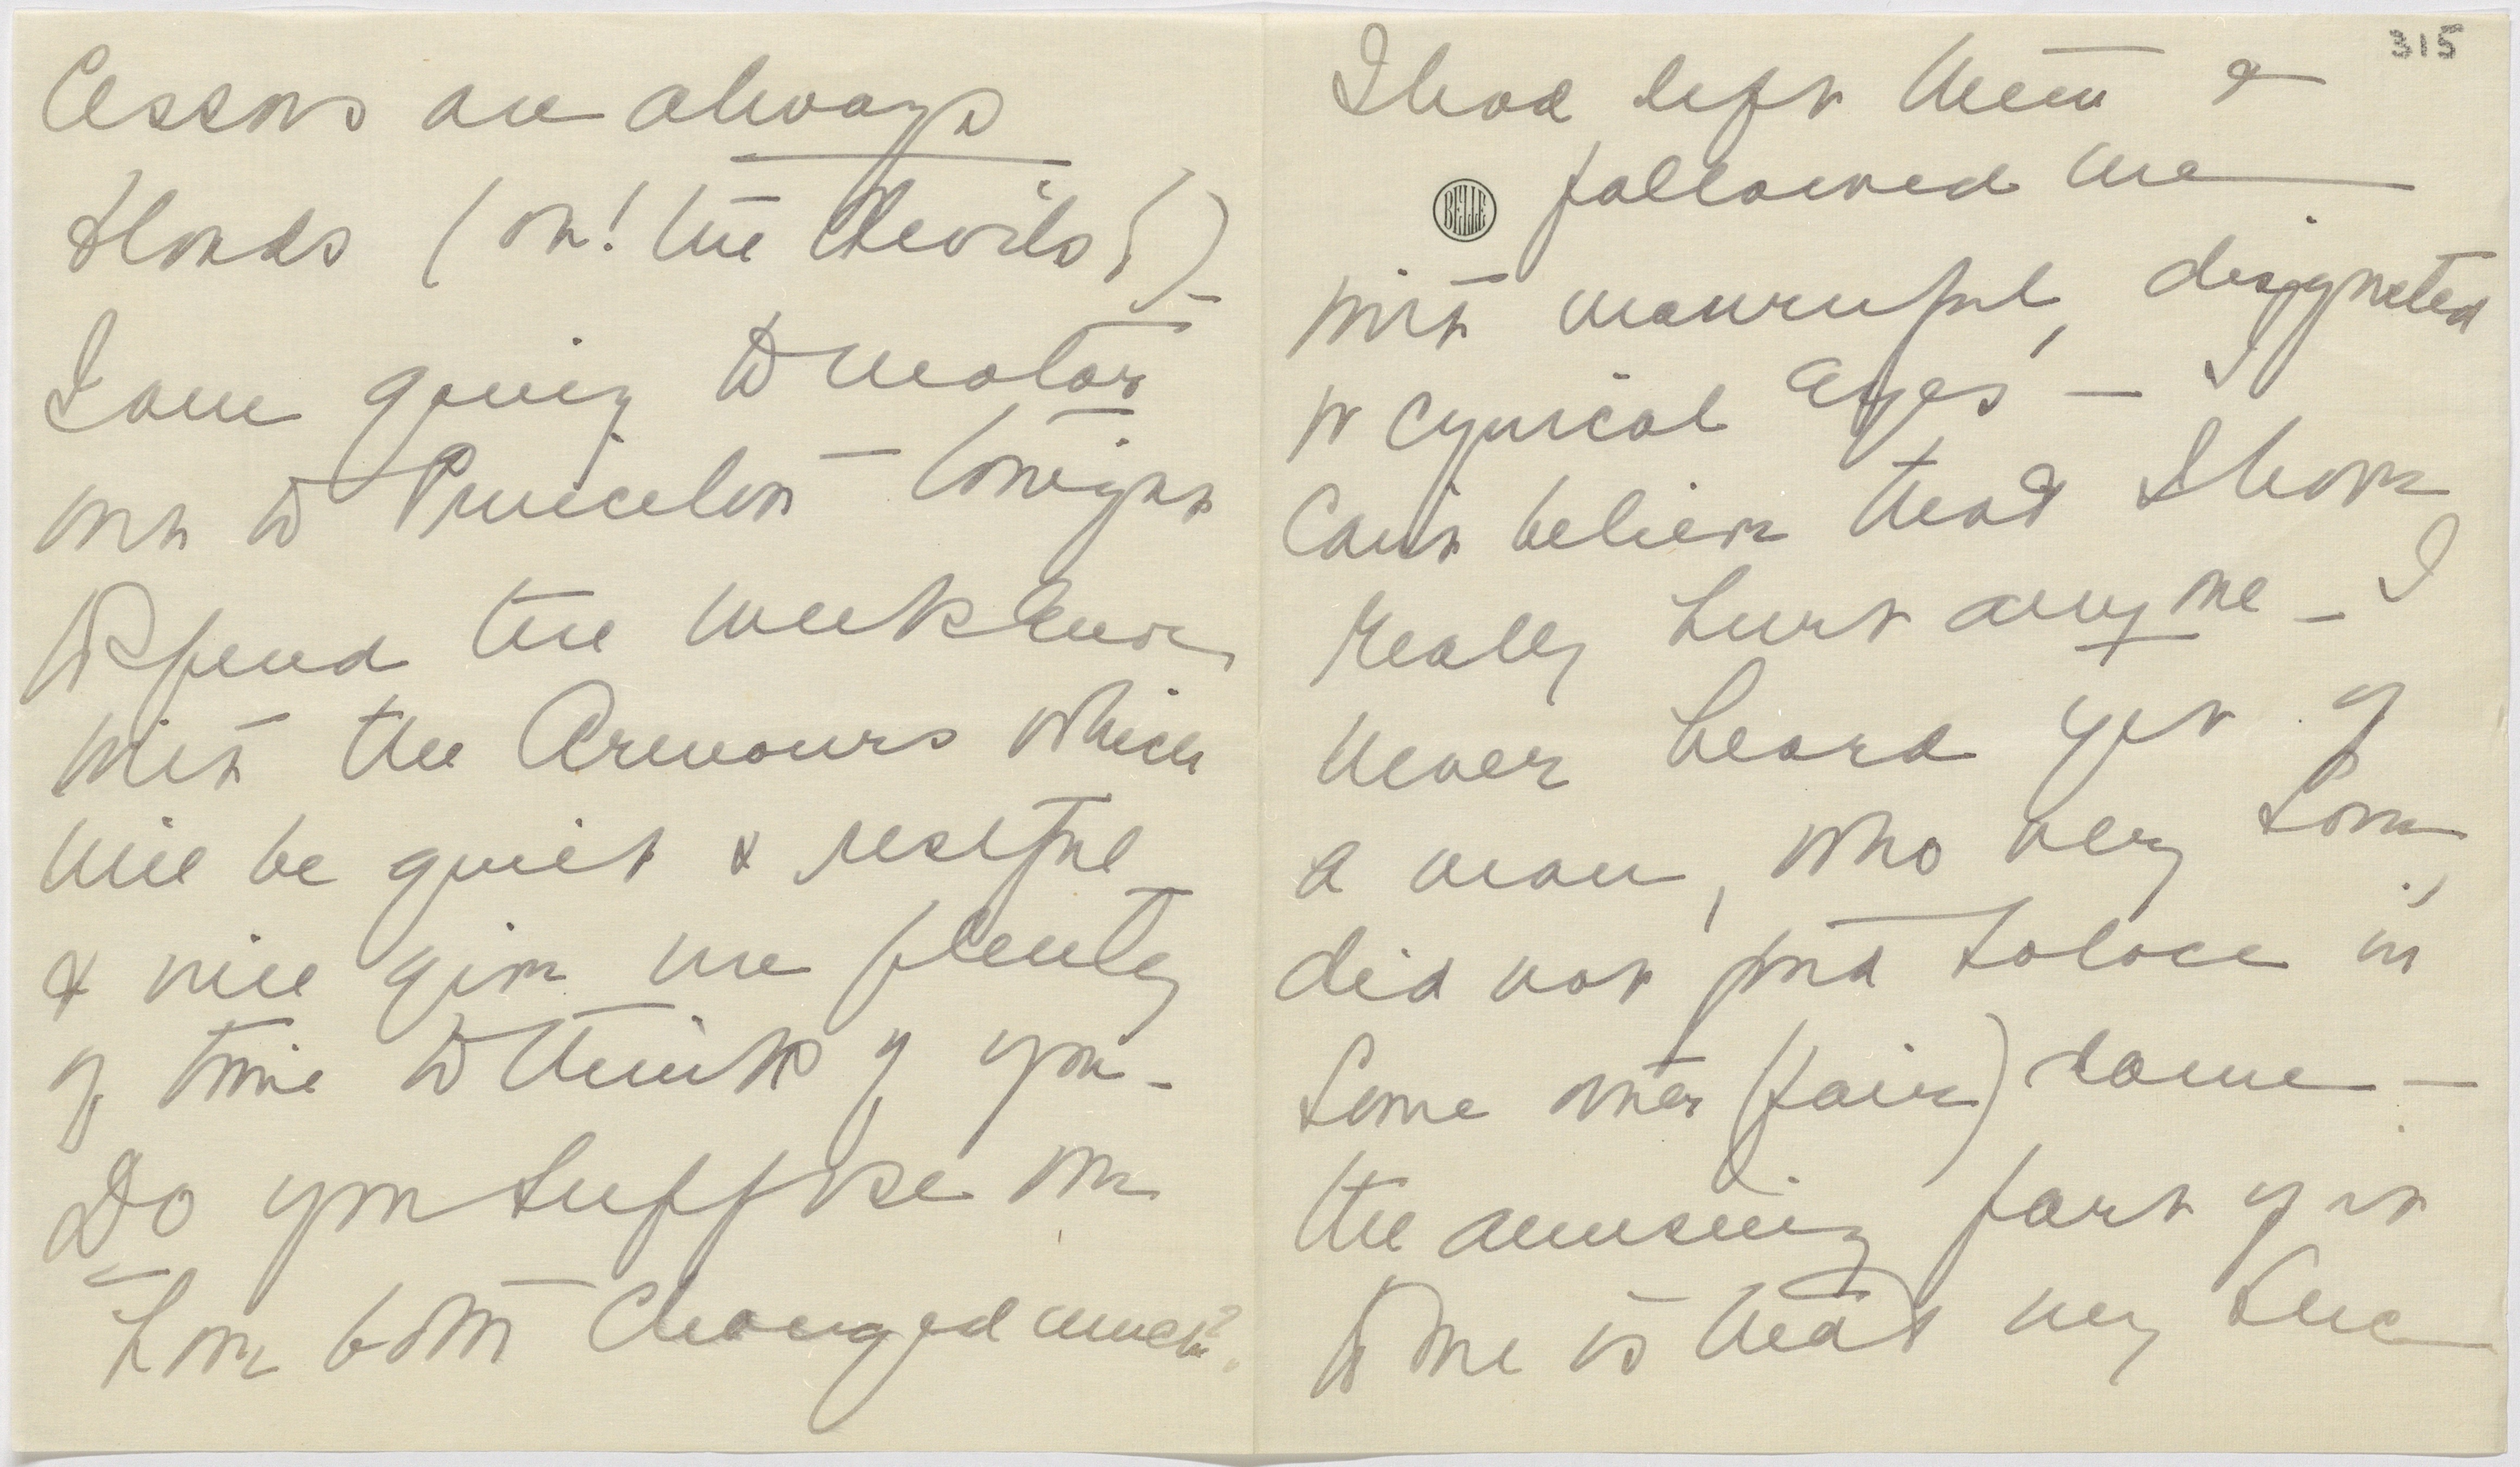I had left them & followed me with mournful, disgusted or cynical eyes – I can’t believe that I have really hurt anyone – I never heard yet of a man, who very soon did not find solace in some other (fair) dame – the amusing part of it to me is that my successors
are always blonds (oh! the devils!) – I am going to motor out to Princeton tonight to spend the weekend with the Armours which will be quiet & restful & will give me plenty of time to think of you – Do you suppose we have both changed much?